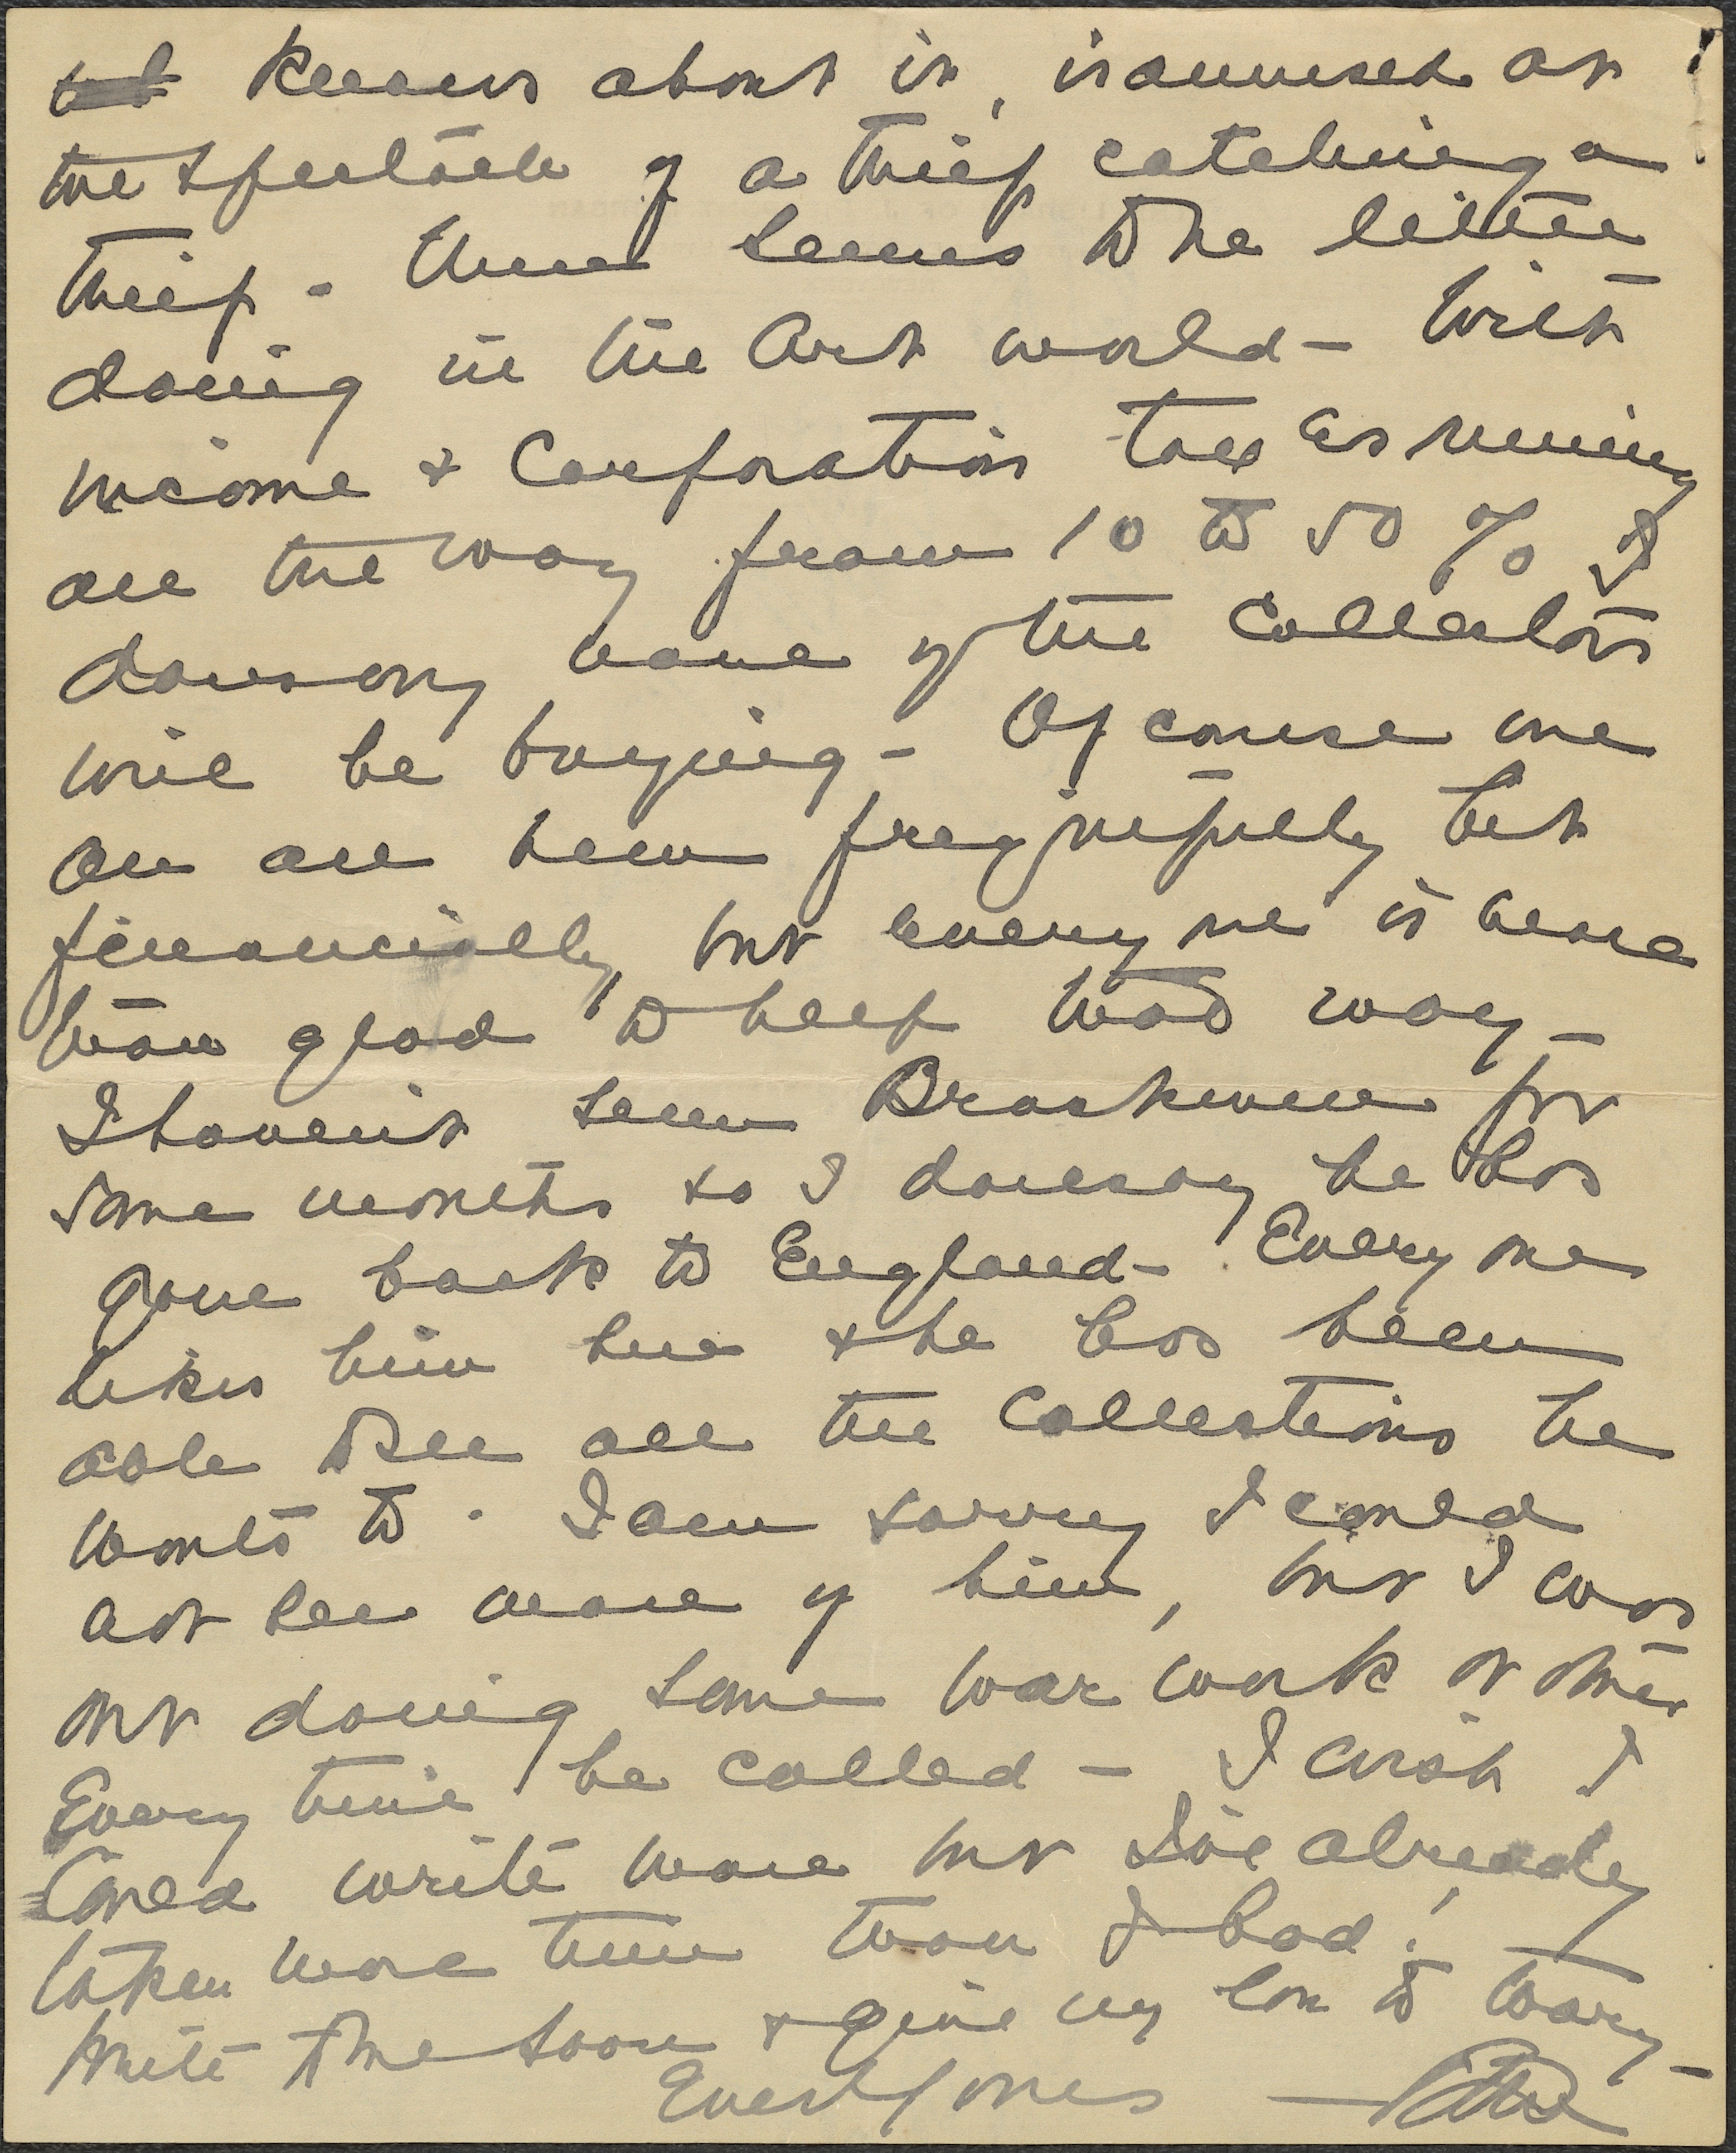[illegible deletion] knows about it, is amused at the spectacle of a thief catching a thief – There seems to be little doing in the art world – with income & corporation taxes running all the way from 10 to 50% I dare say none of the collectors will be buying – Of course we have all been frightfully hit financially, but every one is more than glad to keep that way – I haven't seen Brackwell for some months so I daresay he has gone back to England – Every one likes him here & he has been able to see all the collections he wants to. I am sorry I could not see more of him, but I was out doing some war work or other every time he called – I wish I could write more but I've already taken more time than I had! Write to me soon & give my love to Mary – Ever yours – Belle